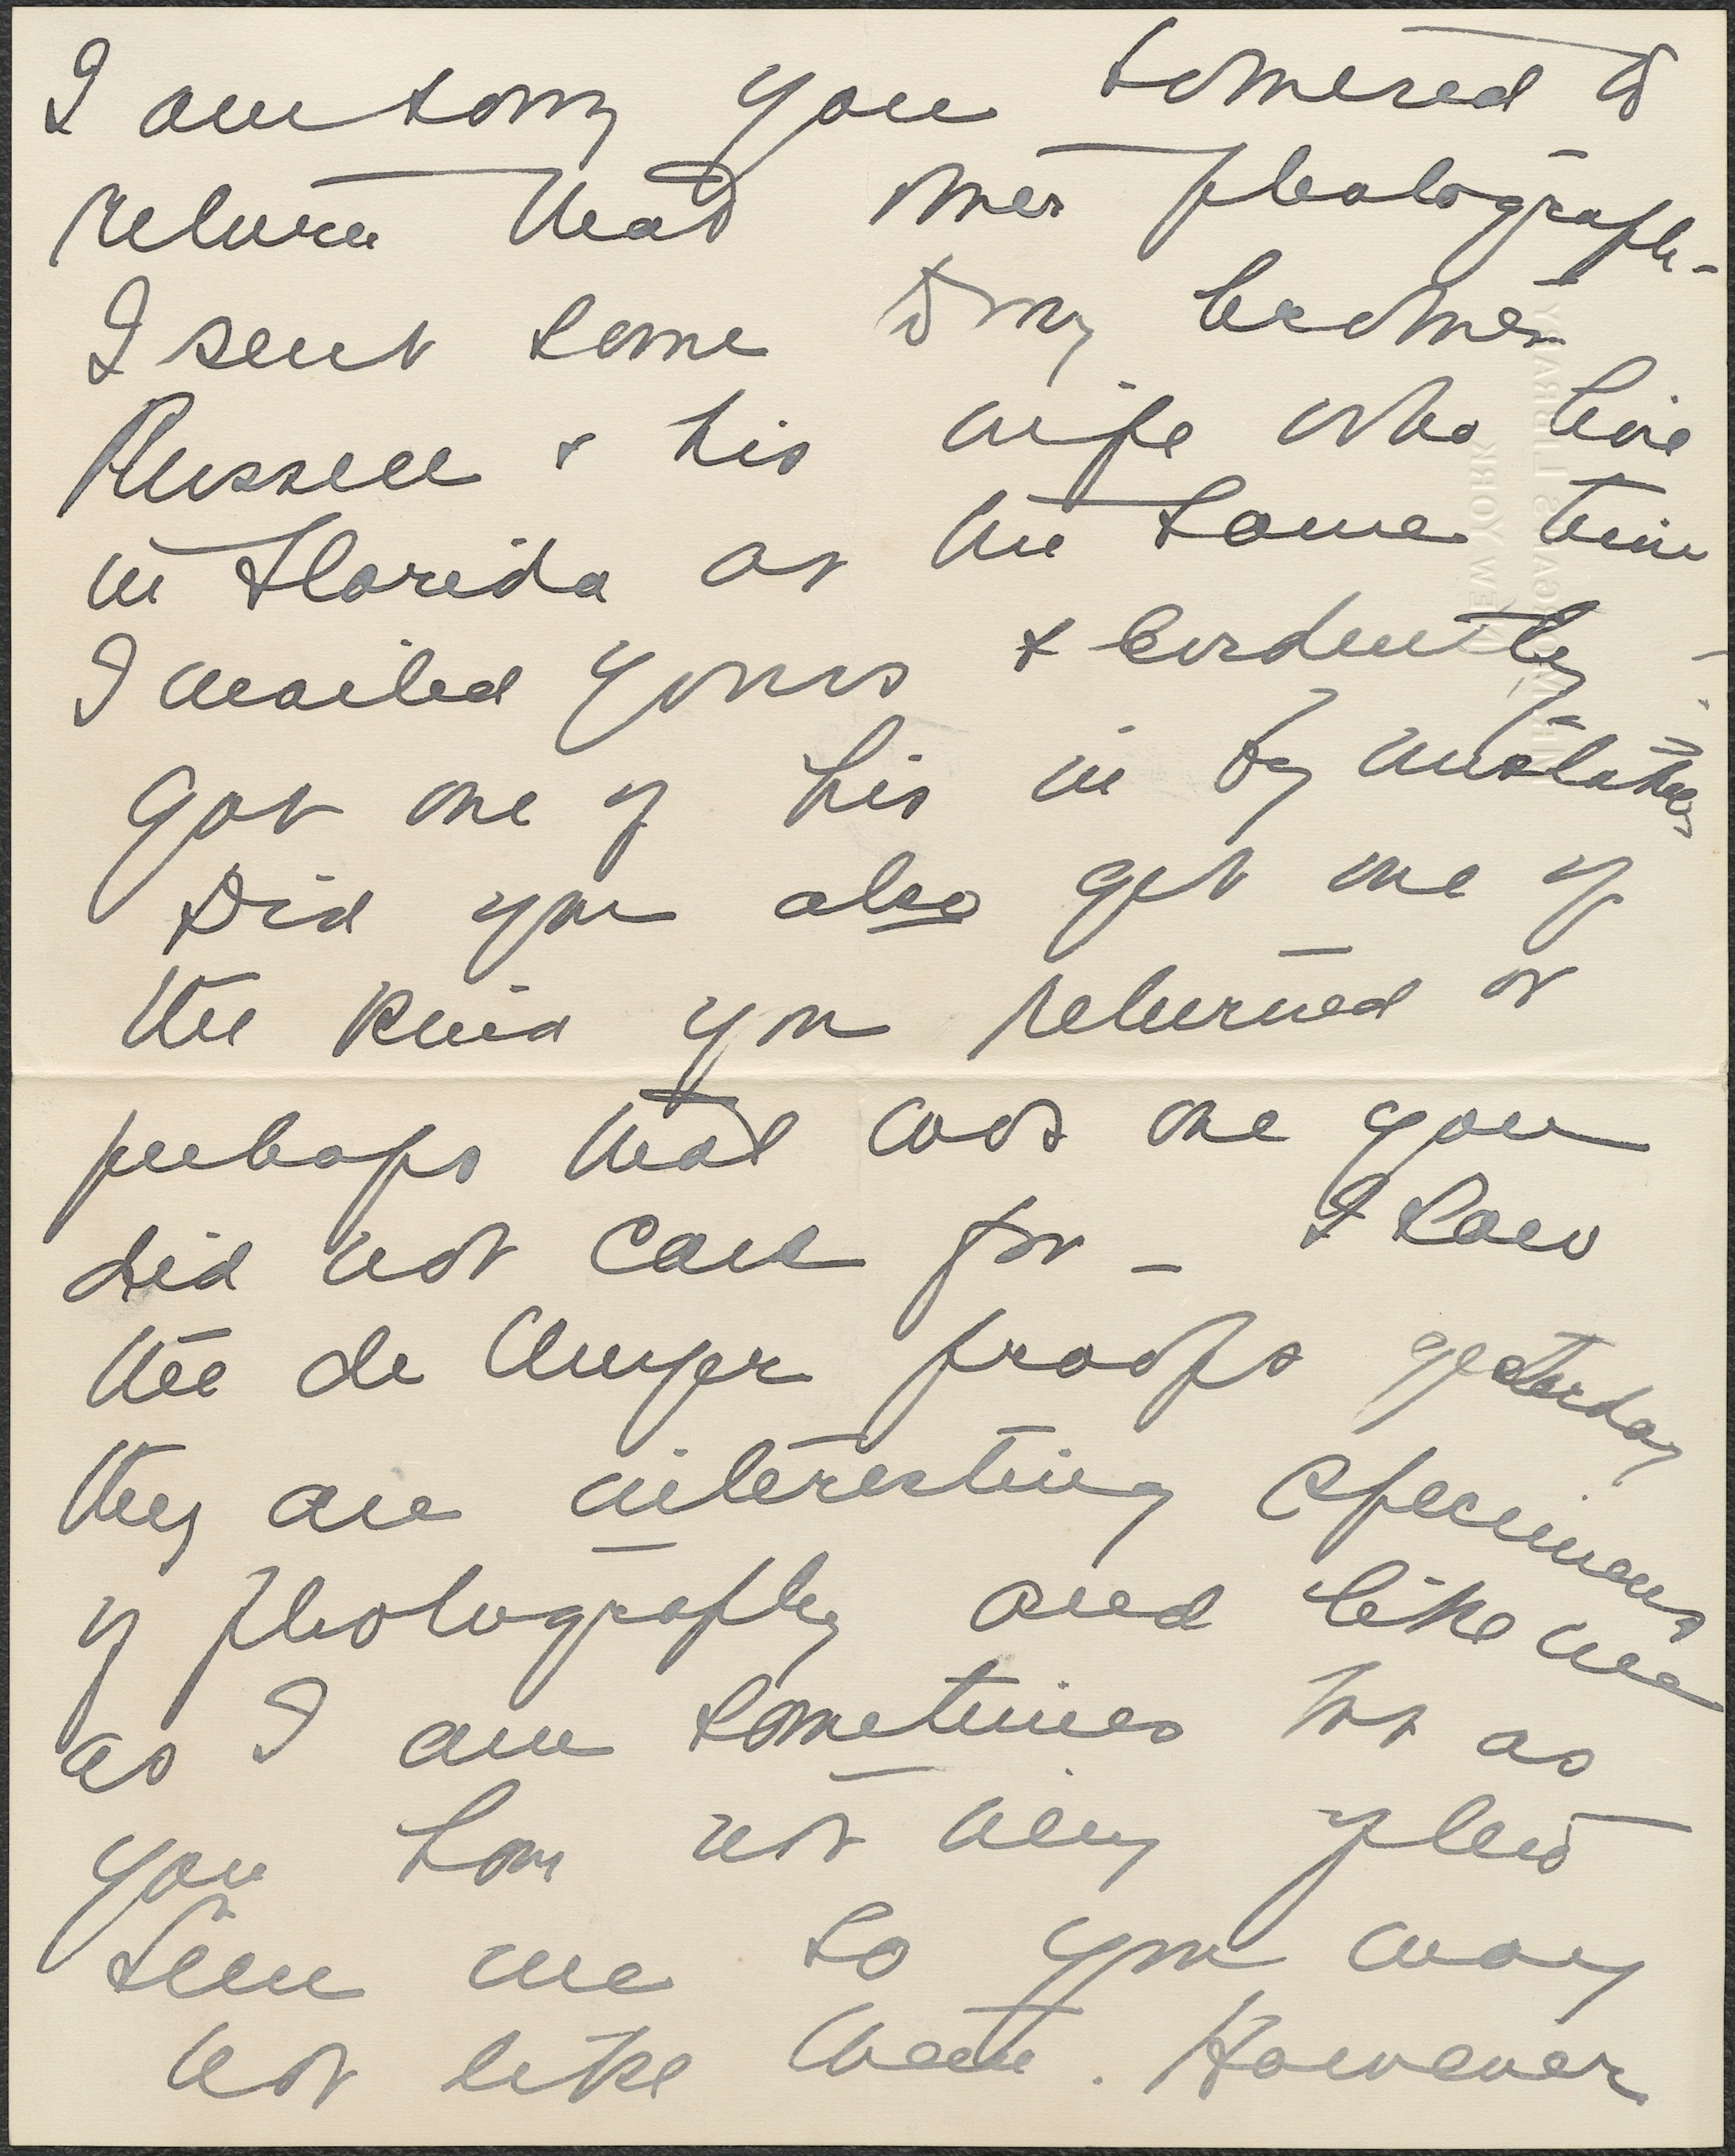I am sorry you bothered to return that other photograph – I sent some to my brother Russell & his wife who live in Florida at the same time I mailed yours & evidently got one of his in by mistake
Did you also get one of the kind you returned or perhaps that was one you did not care for – I saw the de Meyer proofs yesterday they are interesting specimens of photography and like me as I am sometimes but as you have not very often seen me so you may not like them. However